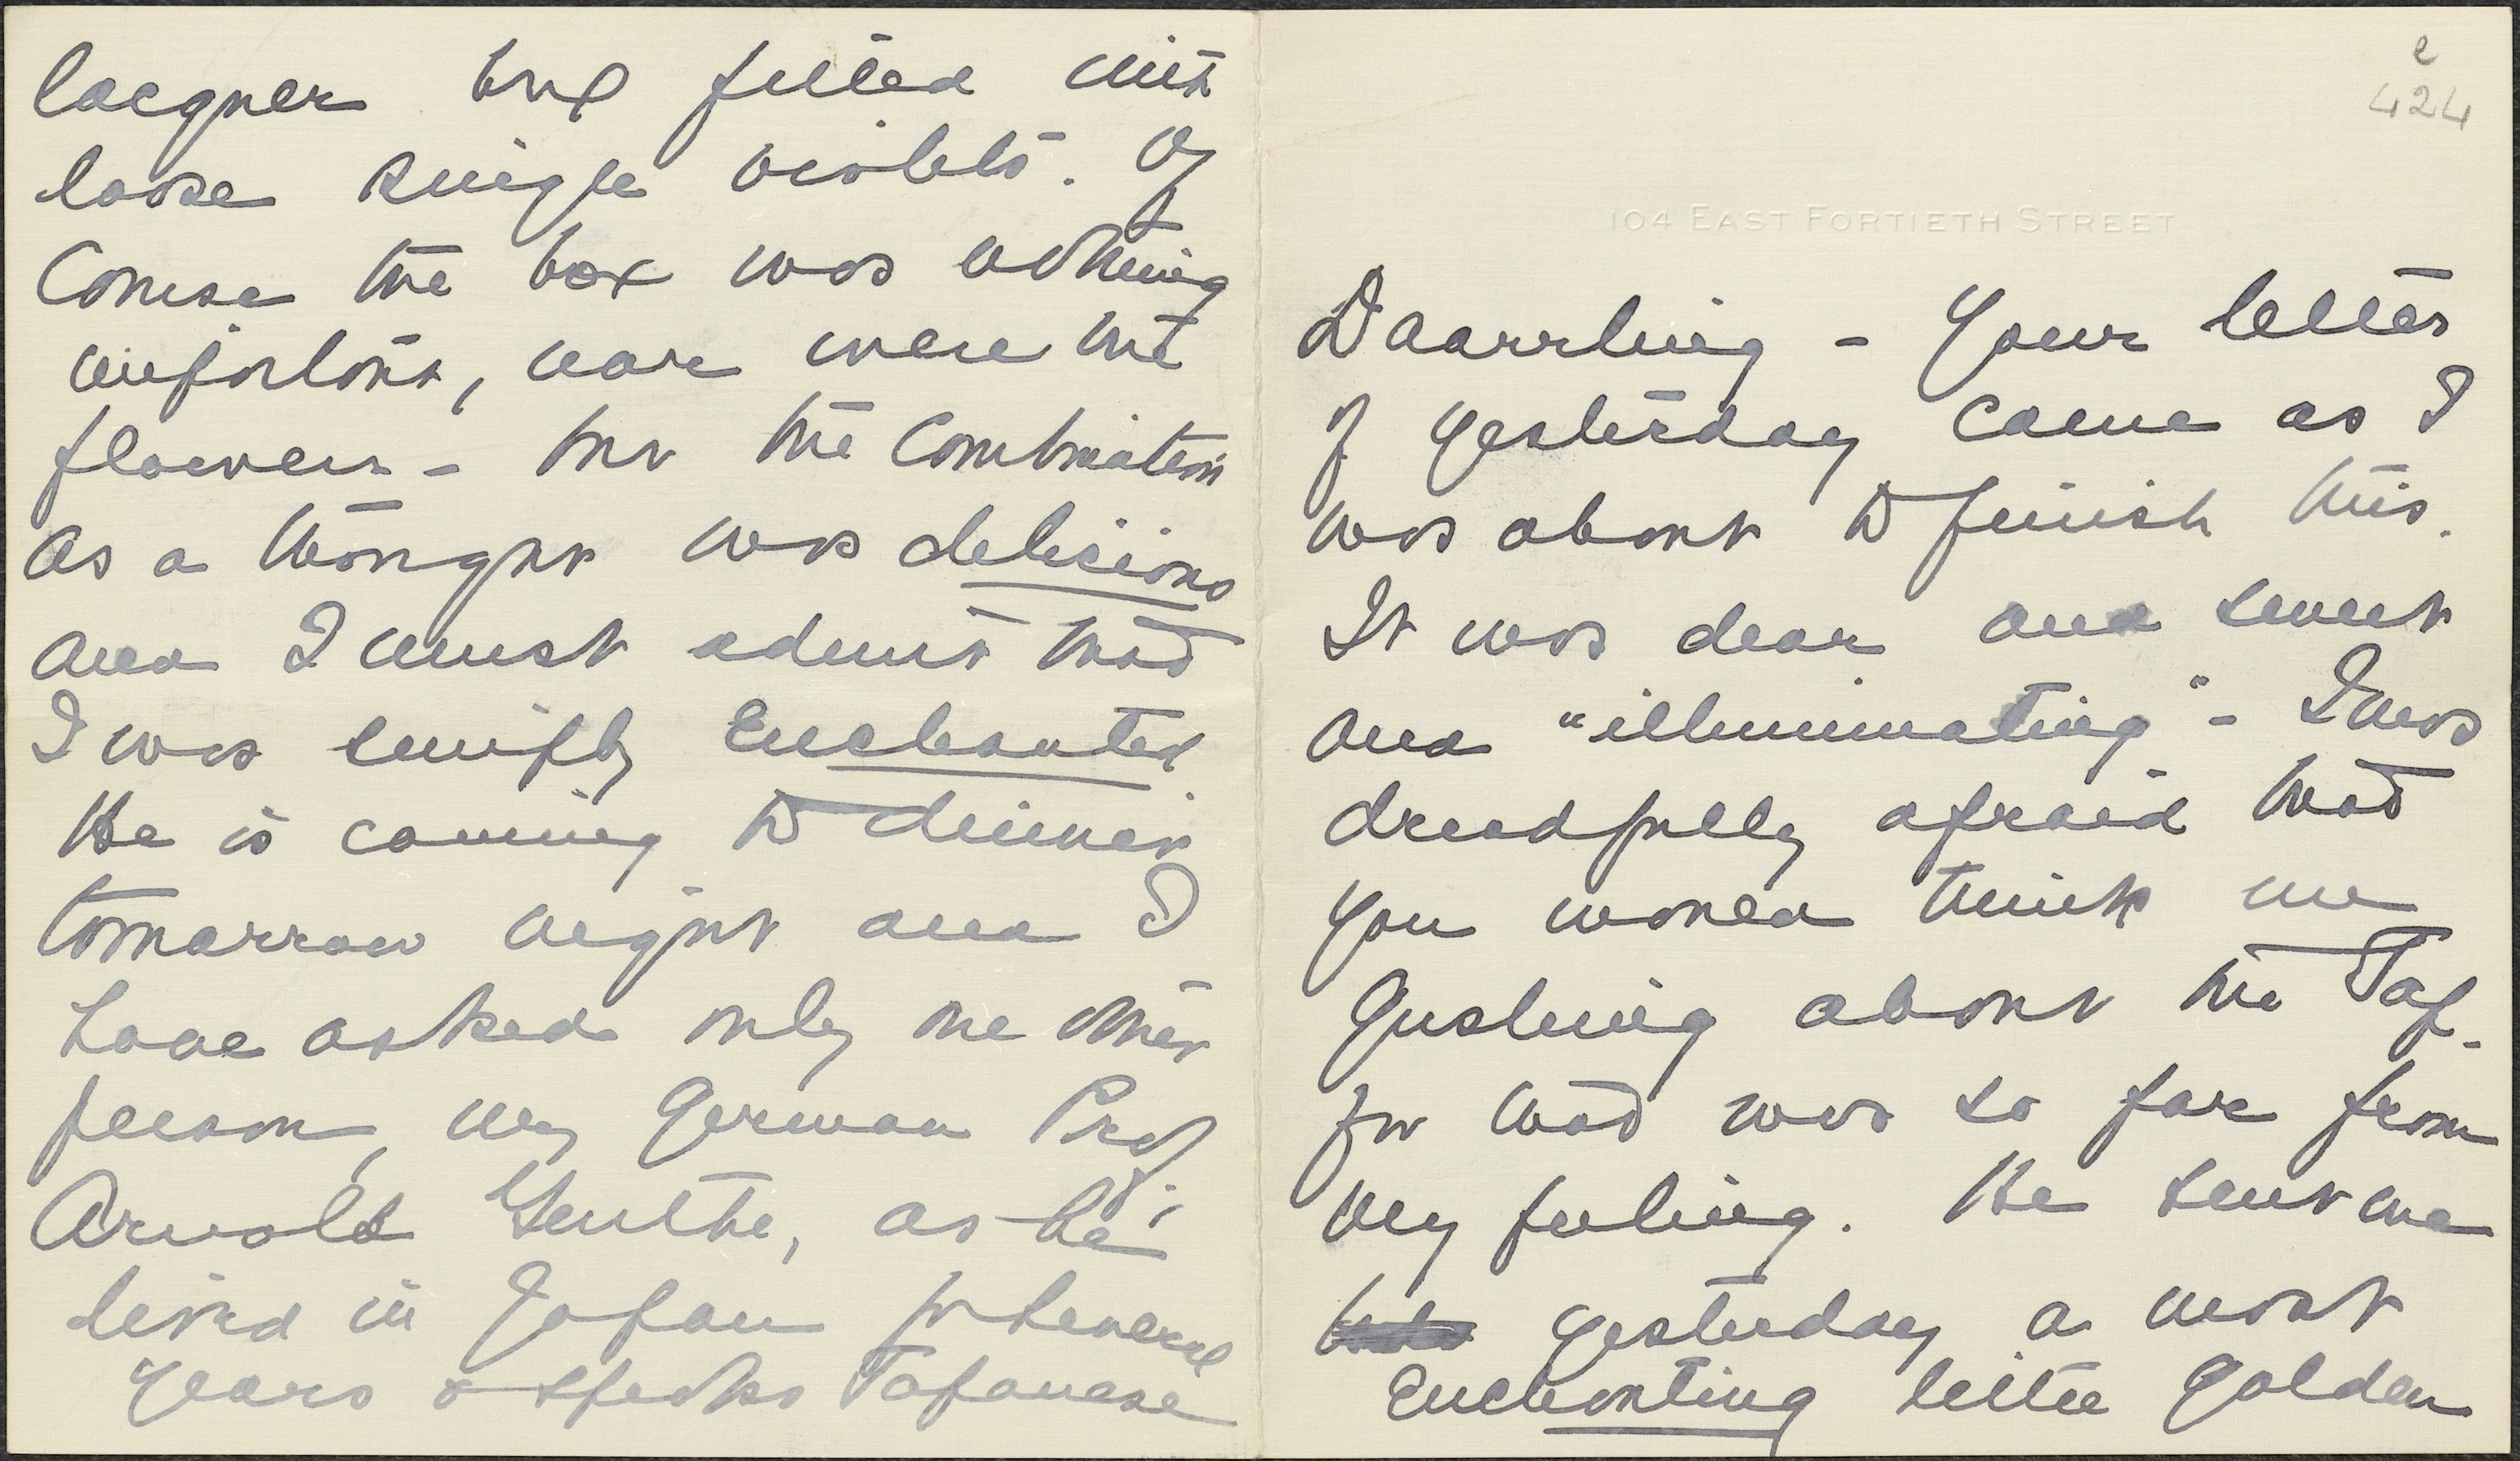Daarrling – Your letter of yesterday came as I was about to finish this. It was dear and sweet and “illuminating” – I was dreadfully afraid that you would think me gushing about the Jap – for that was so far from my feeling. He sent me [illegible] yesterday a most enchanting little golden
lacquer box filled with loose single violets. Of course the box was nothing important, nor were the flowers – but the combination as a thought was delicious and I must admit that I was simply enchanted. He is coming to dinner tomorrow night and I have asked only one other person, my German prof. Arnold Genthe, as he lived in Japan for several years & speaks Japanese